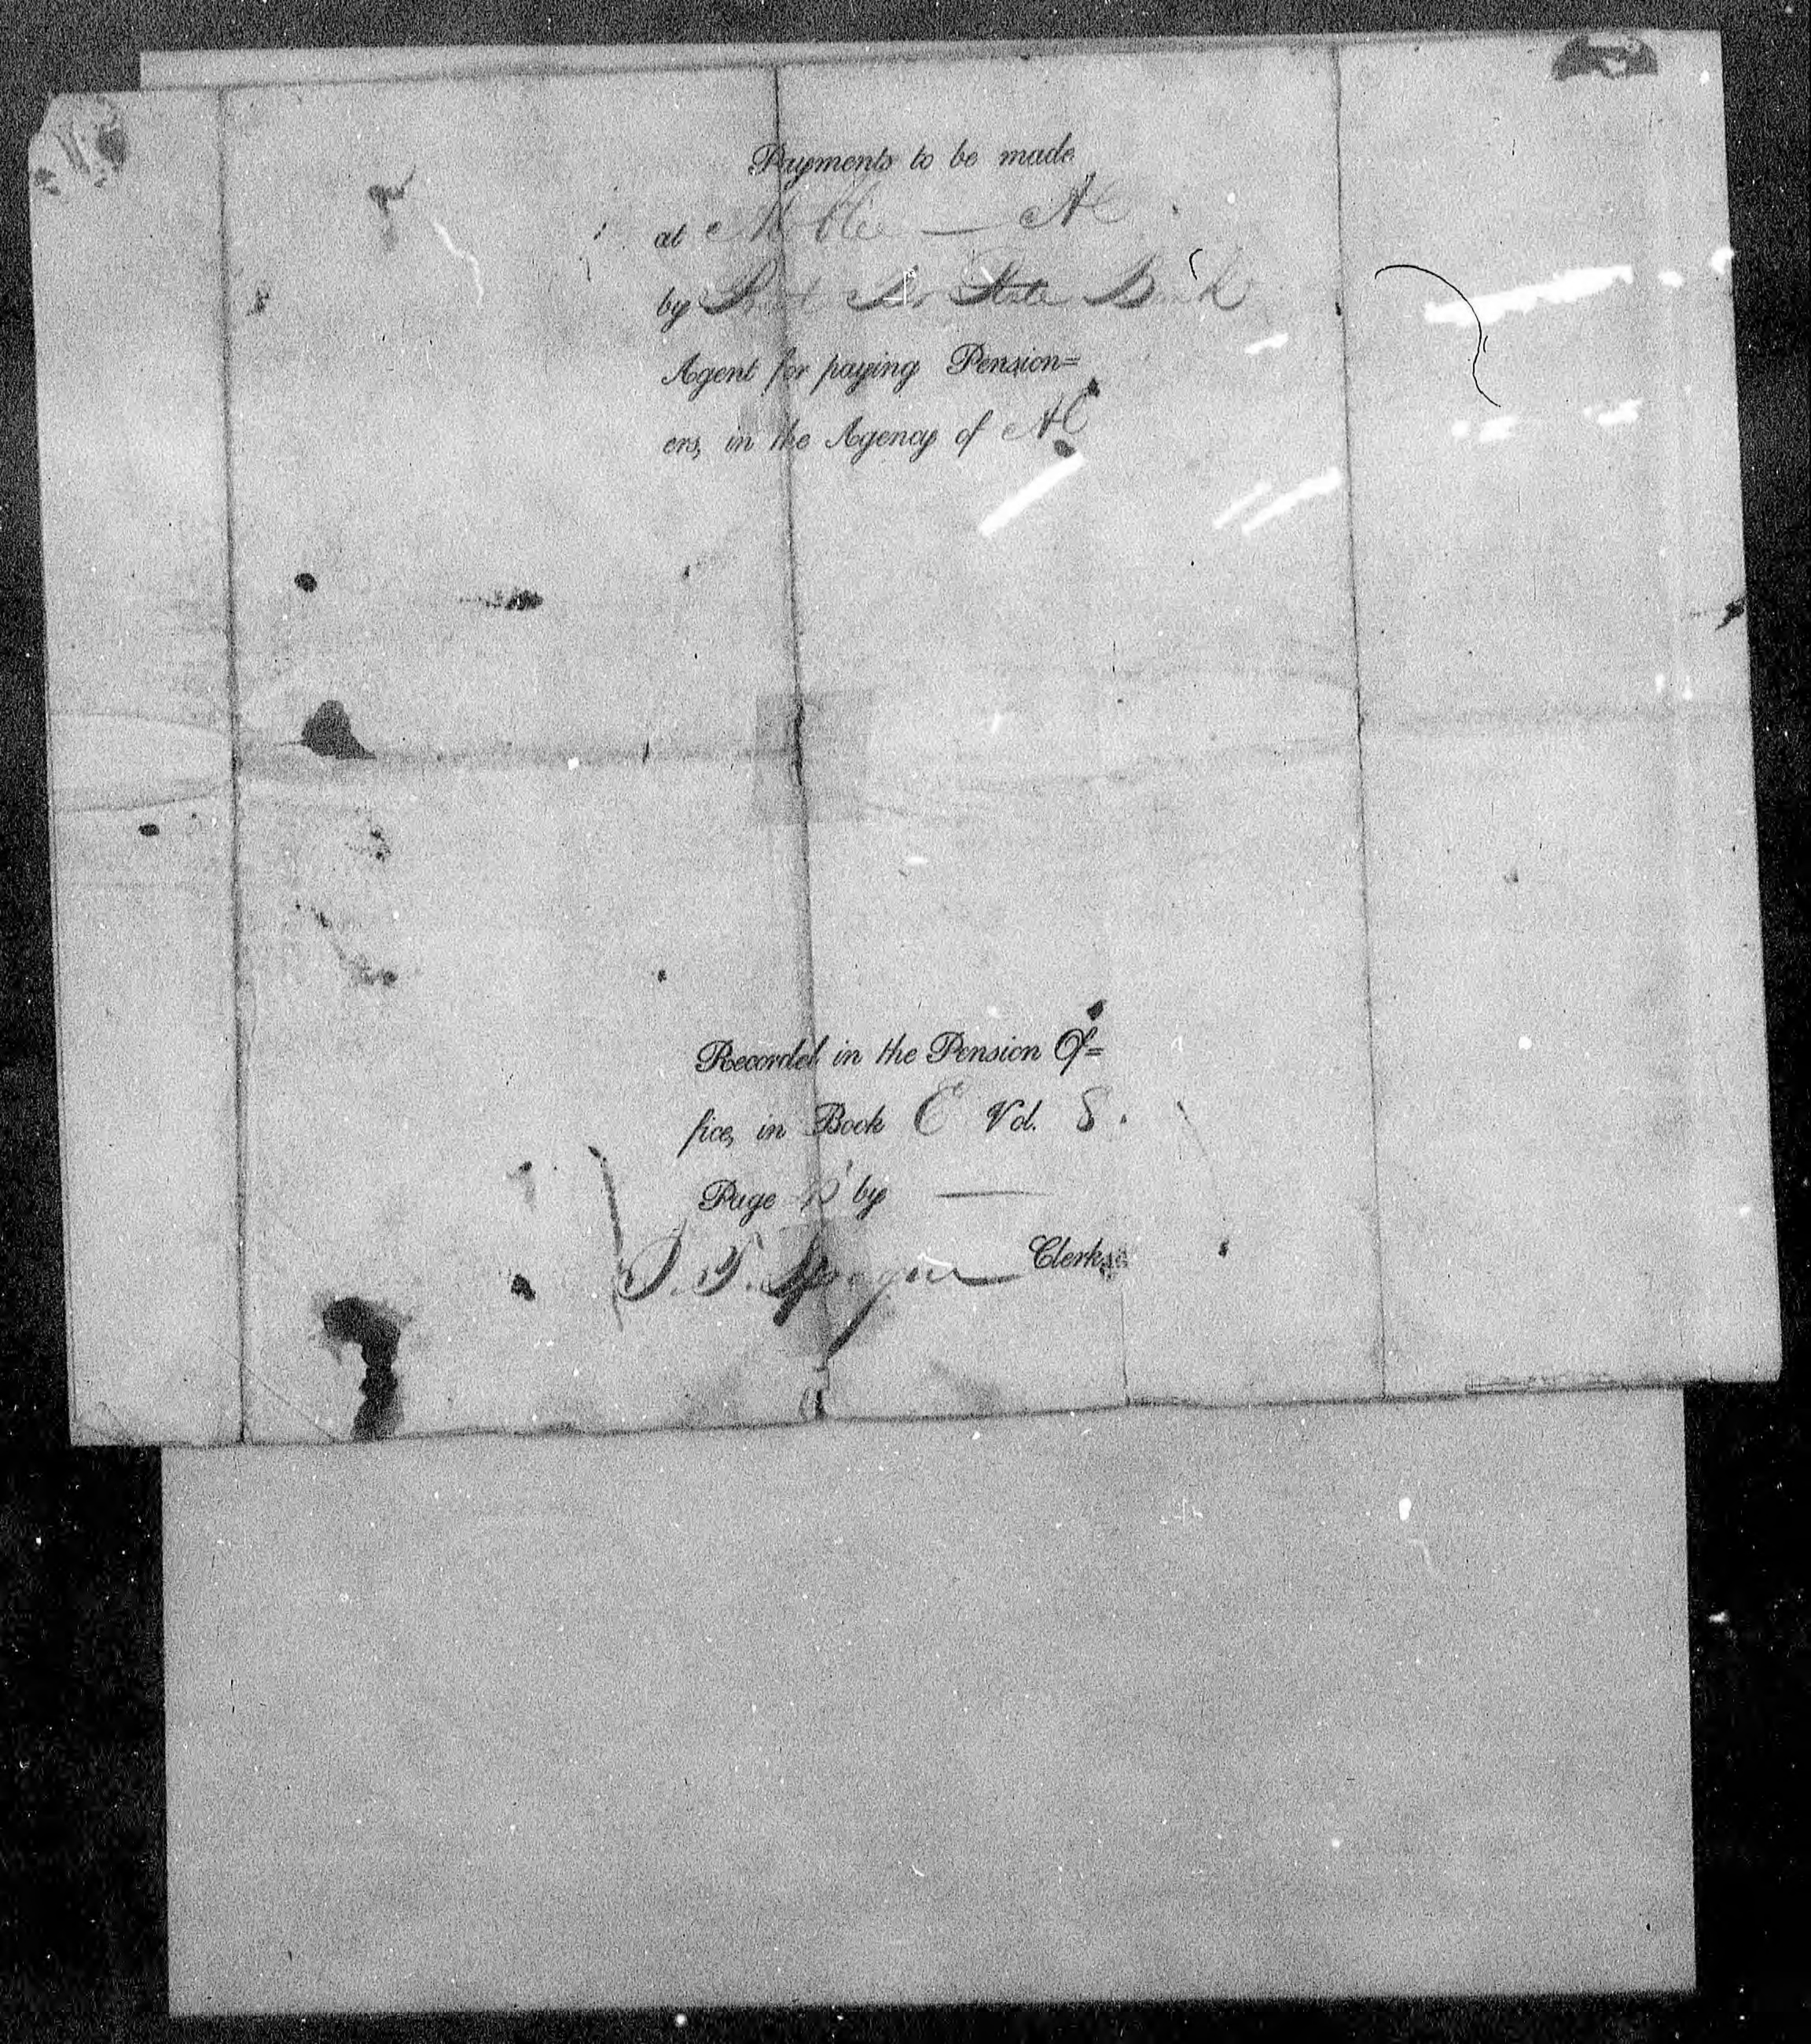Payments to be made
at Mobile Al
by [illegible] State Bank
Agent for paying Pensioners
in the Agency of Al

Recorded in the Pension Office
in Book C Vol. 8
Page 10 by
T. J. Sprague [?] Clerk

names: J T Sprague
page: 32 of 45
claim: widow's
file: W. 26160, for Thomas C Jones, Georgia